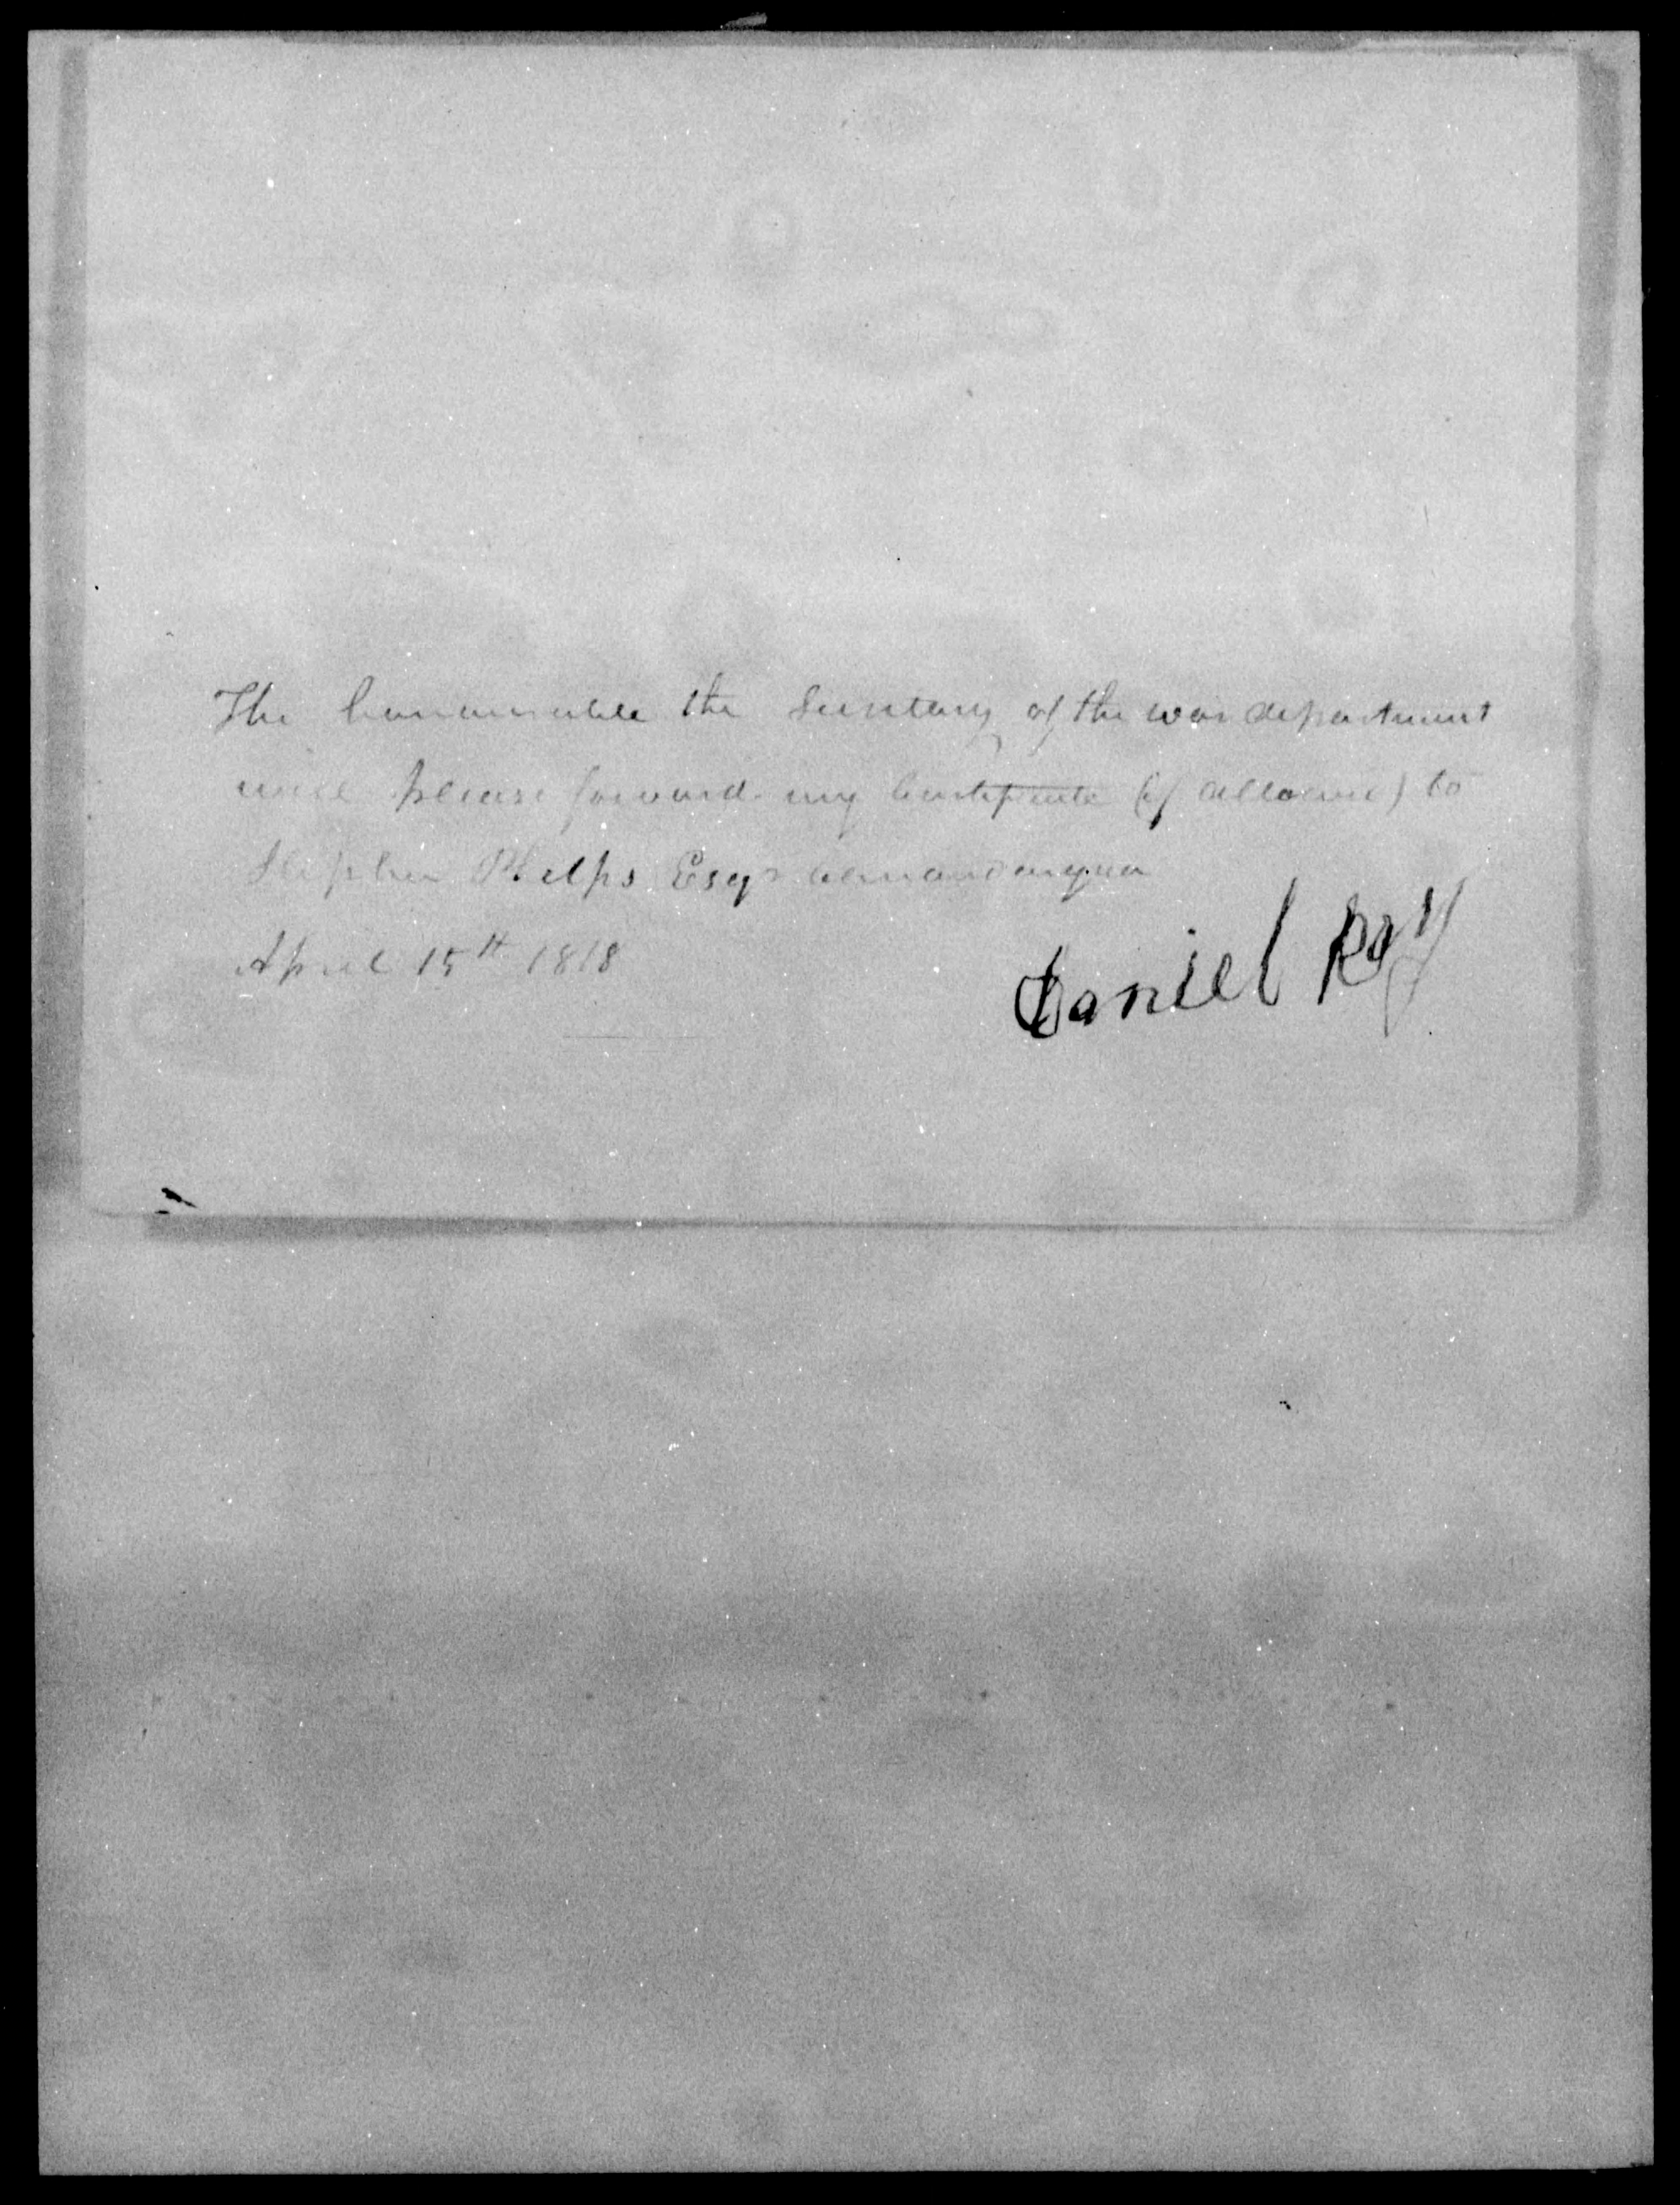The Honorable the Secretary of the War Department will please forward my Certificate (if allowed) to Stephen Phelps Esq Canandaqua April 15th 1818    Daniel Ray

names: Daniel Ray; Stephen Phelps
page: 9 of 20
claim: survivor's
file: S. 43891, for Daniel Ray, Connecticut